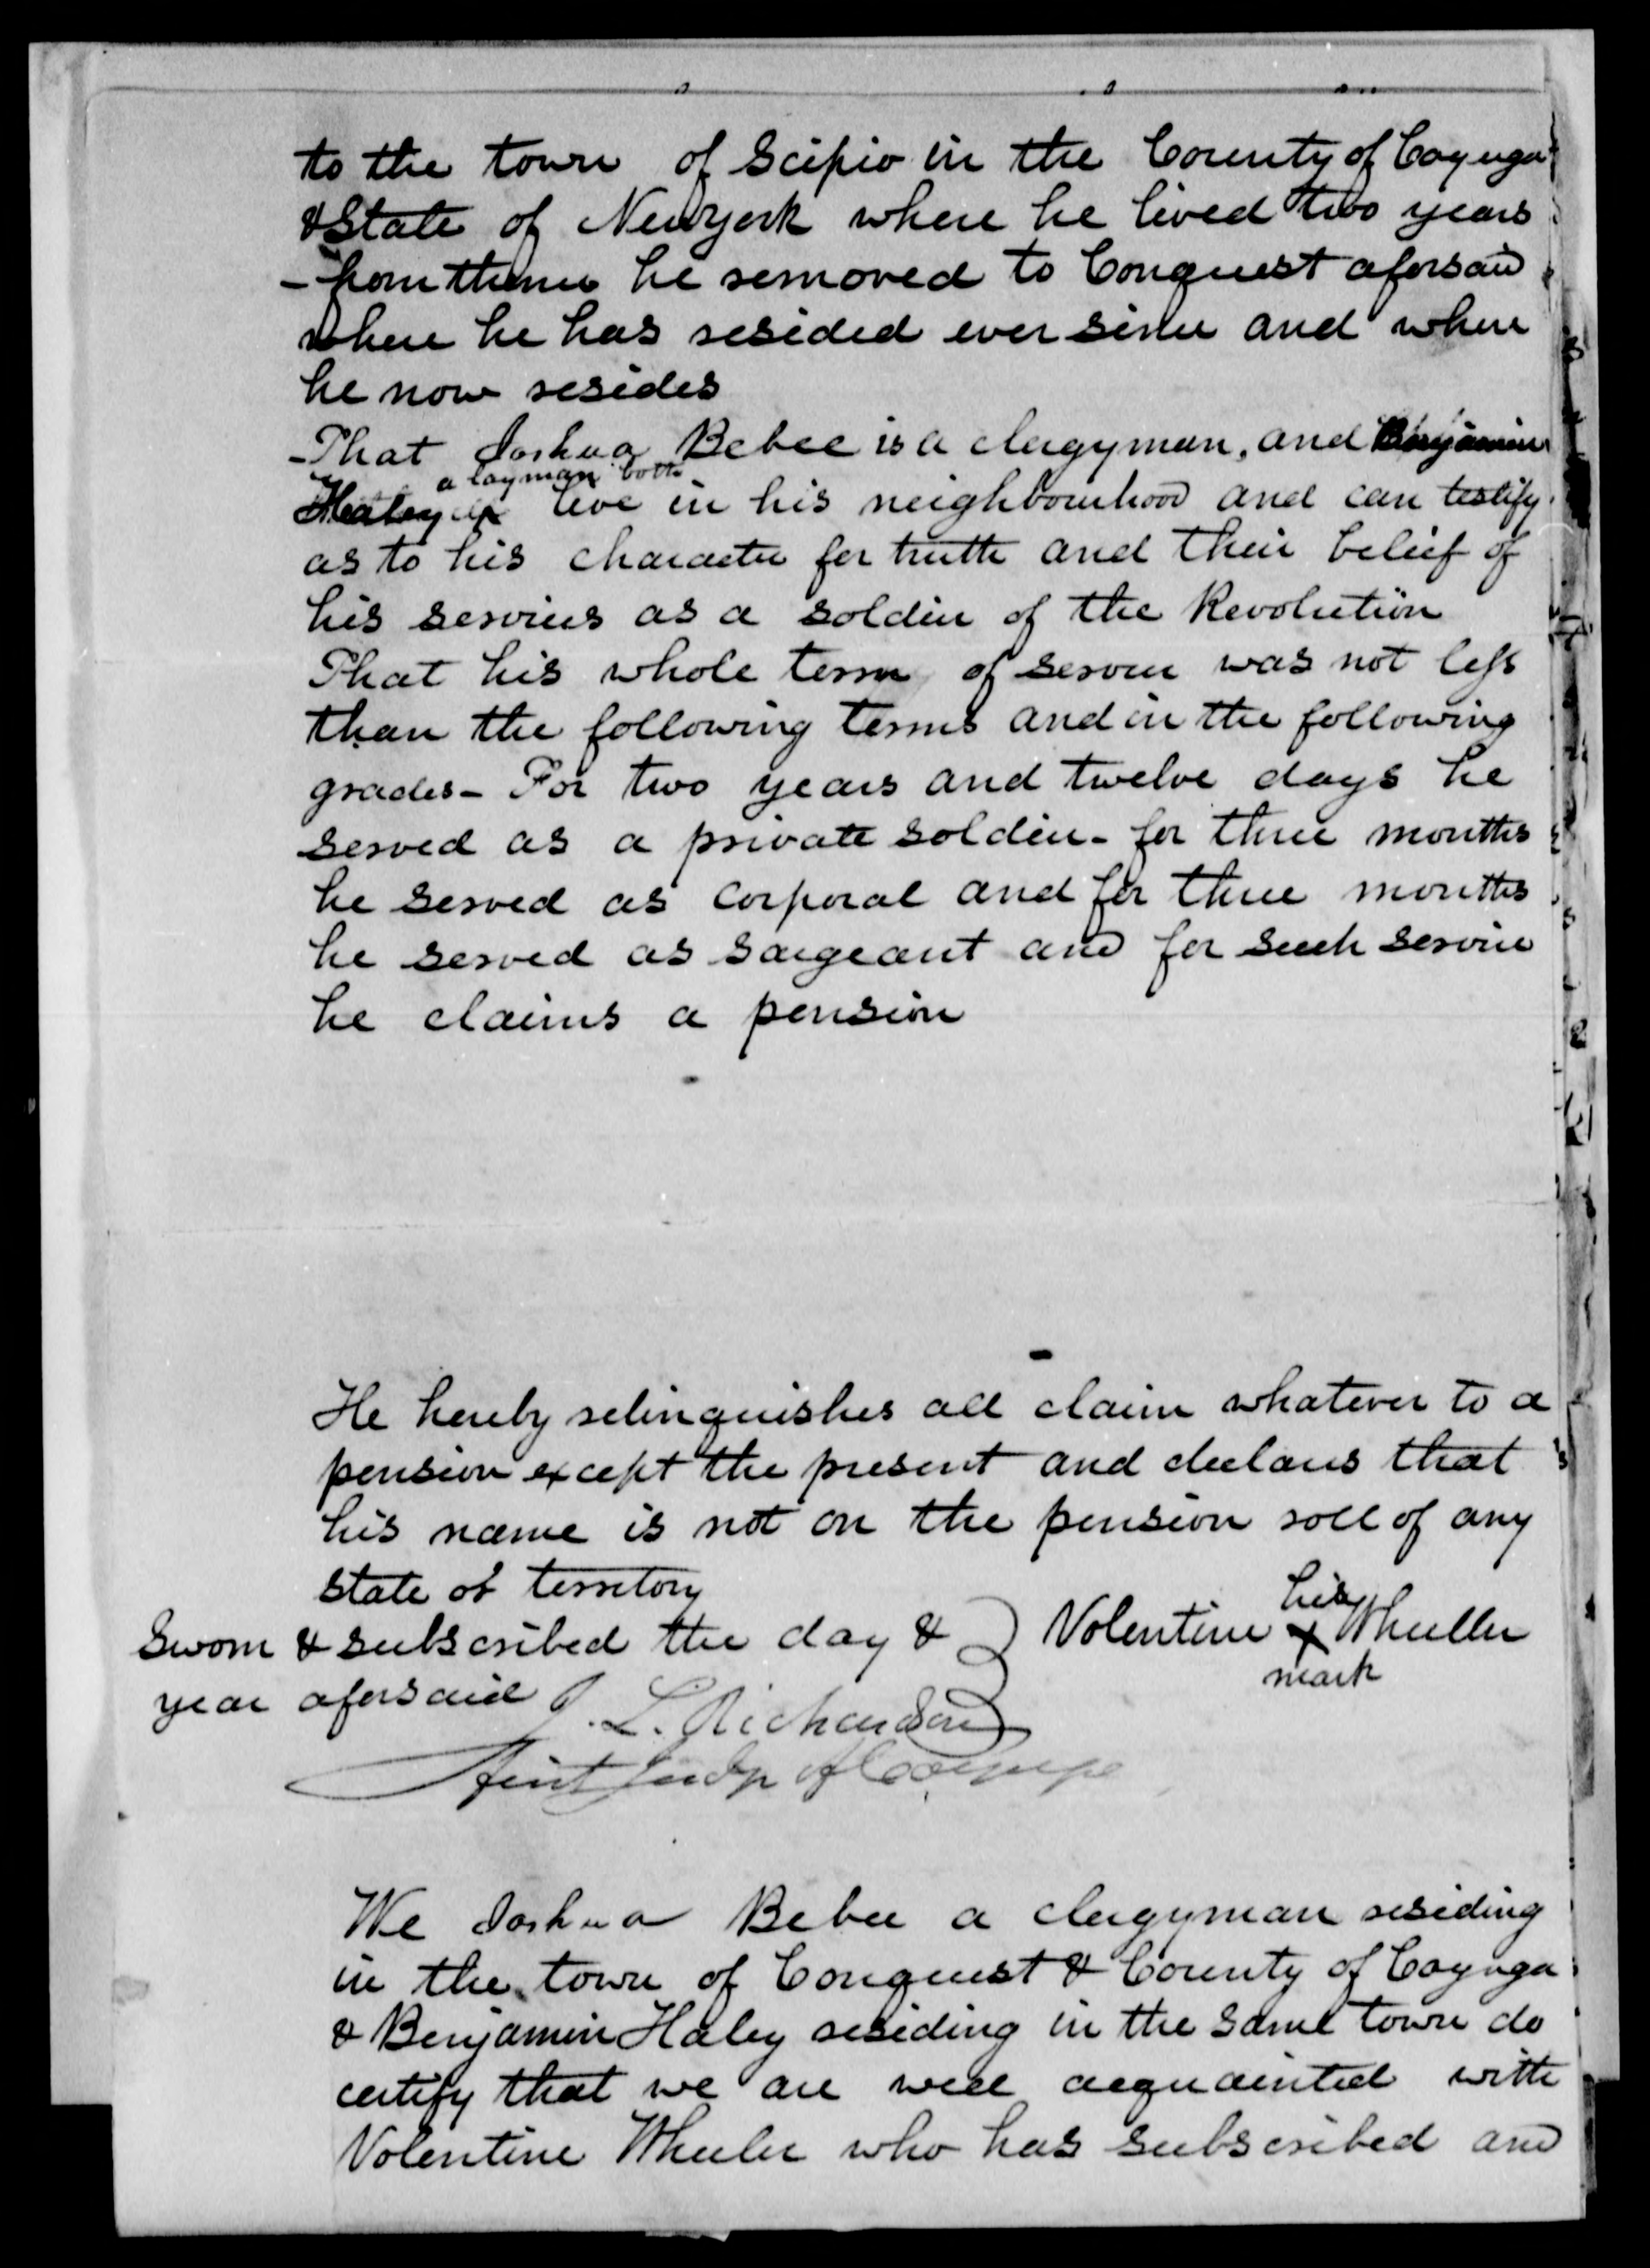to the town of Scipio in the County of Cayuga & State of New York where he lived two years, from thence he removed to Conquest aforesaid where he has resided ever since and where he now resides.
that Joshua Bebee is a clergyman and Benjamin Haley a layman both live in his neighbourhood and can testify as to his character for truth and their belief of his services as a soldier of the Revolution. That his whole term of service was not less than the following terms and in the following grades-For two years and twelve days he served as a private soldier-for three months he served as corporal and for three months he served as Sargeant and for such service he claims a pension.
He hereby relinquishes all claim whatever to a pension except the present and declares that his name is not on the pension roll of any state or territory.
Volentine   X   Wheeler
 his mark
Sworn & subscribed the day & year aforesaid
J. L. Richardson
First Judge of Cayuga

We Joshua Bebee a clergyman residing in the town of Conquest & County of Cayuga & Benjamin Haley residing in the same town do certify that we are well acquainted with Volentine Wheeler who has subscribed and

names: J L Richardson, Joshua Bebee, Benjamin Haley, Volentine Wheeller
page: 11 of 98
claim: widow's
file: W. 1682, Valentine Wheeler, Mass.